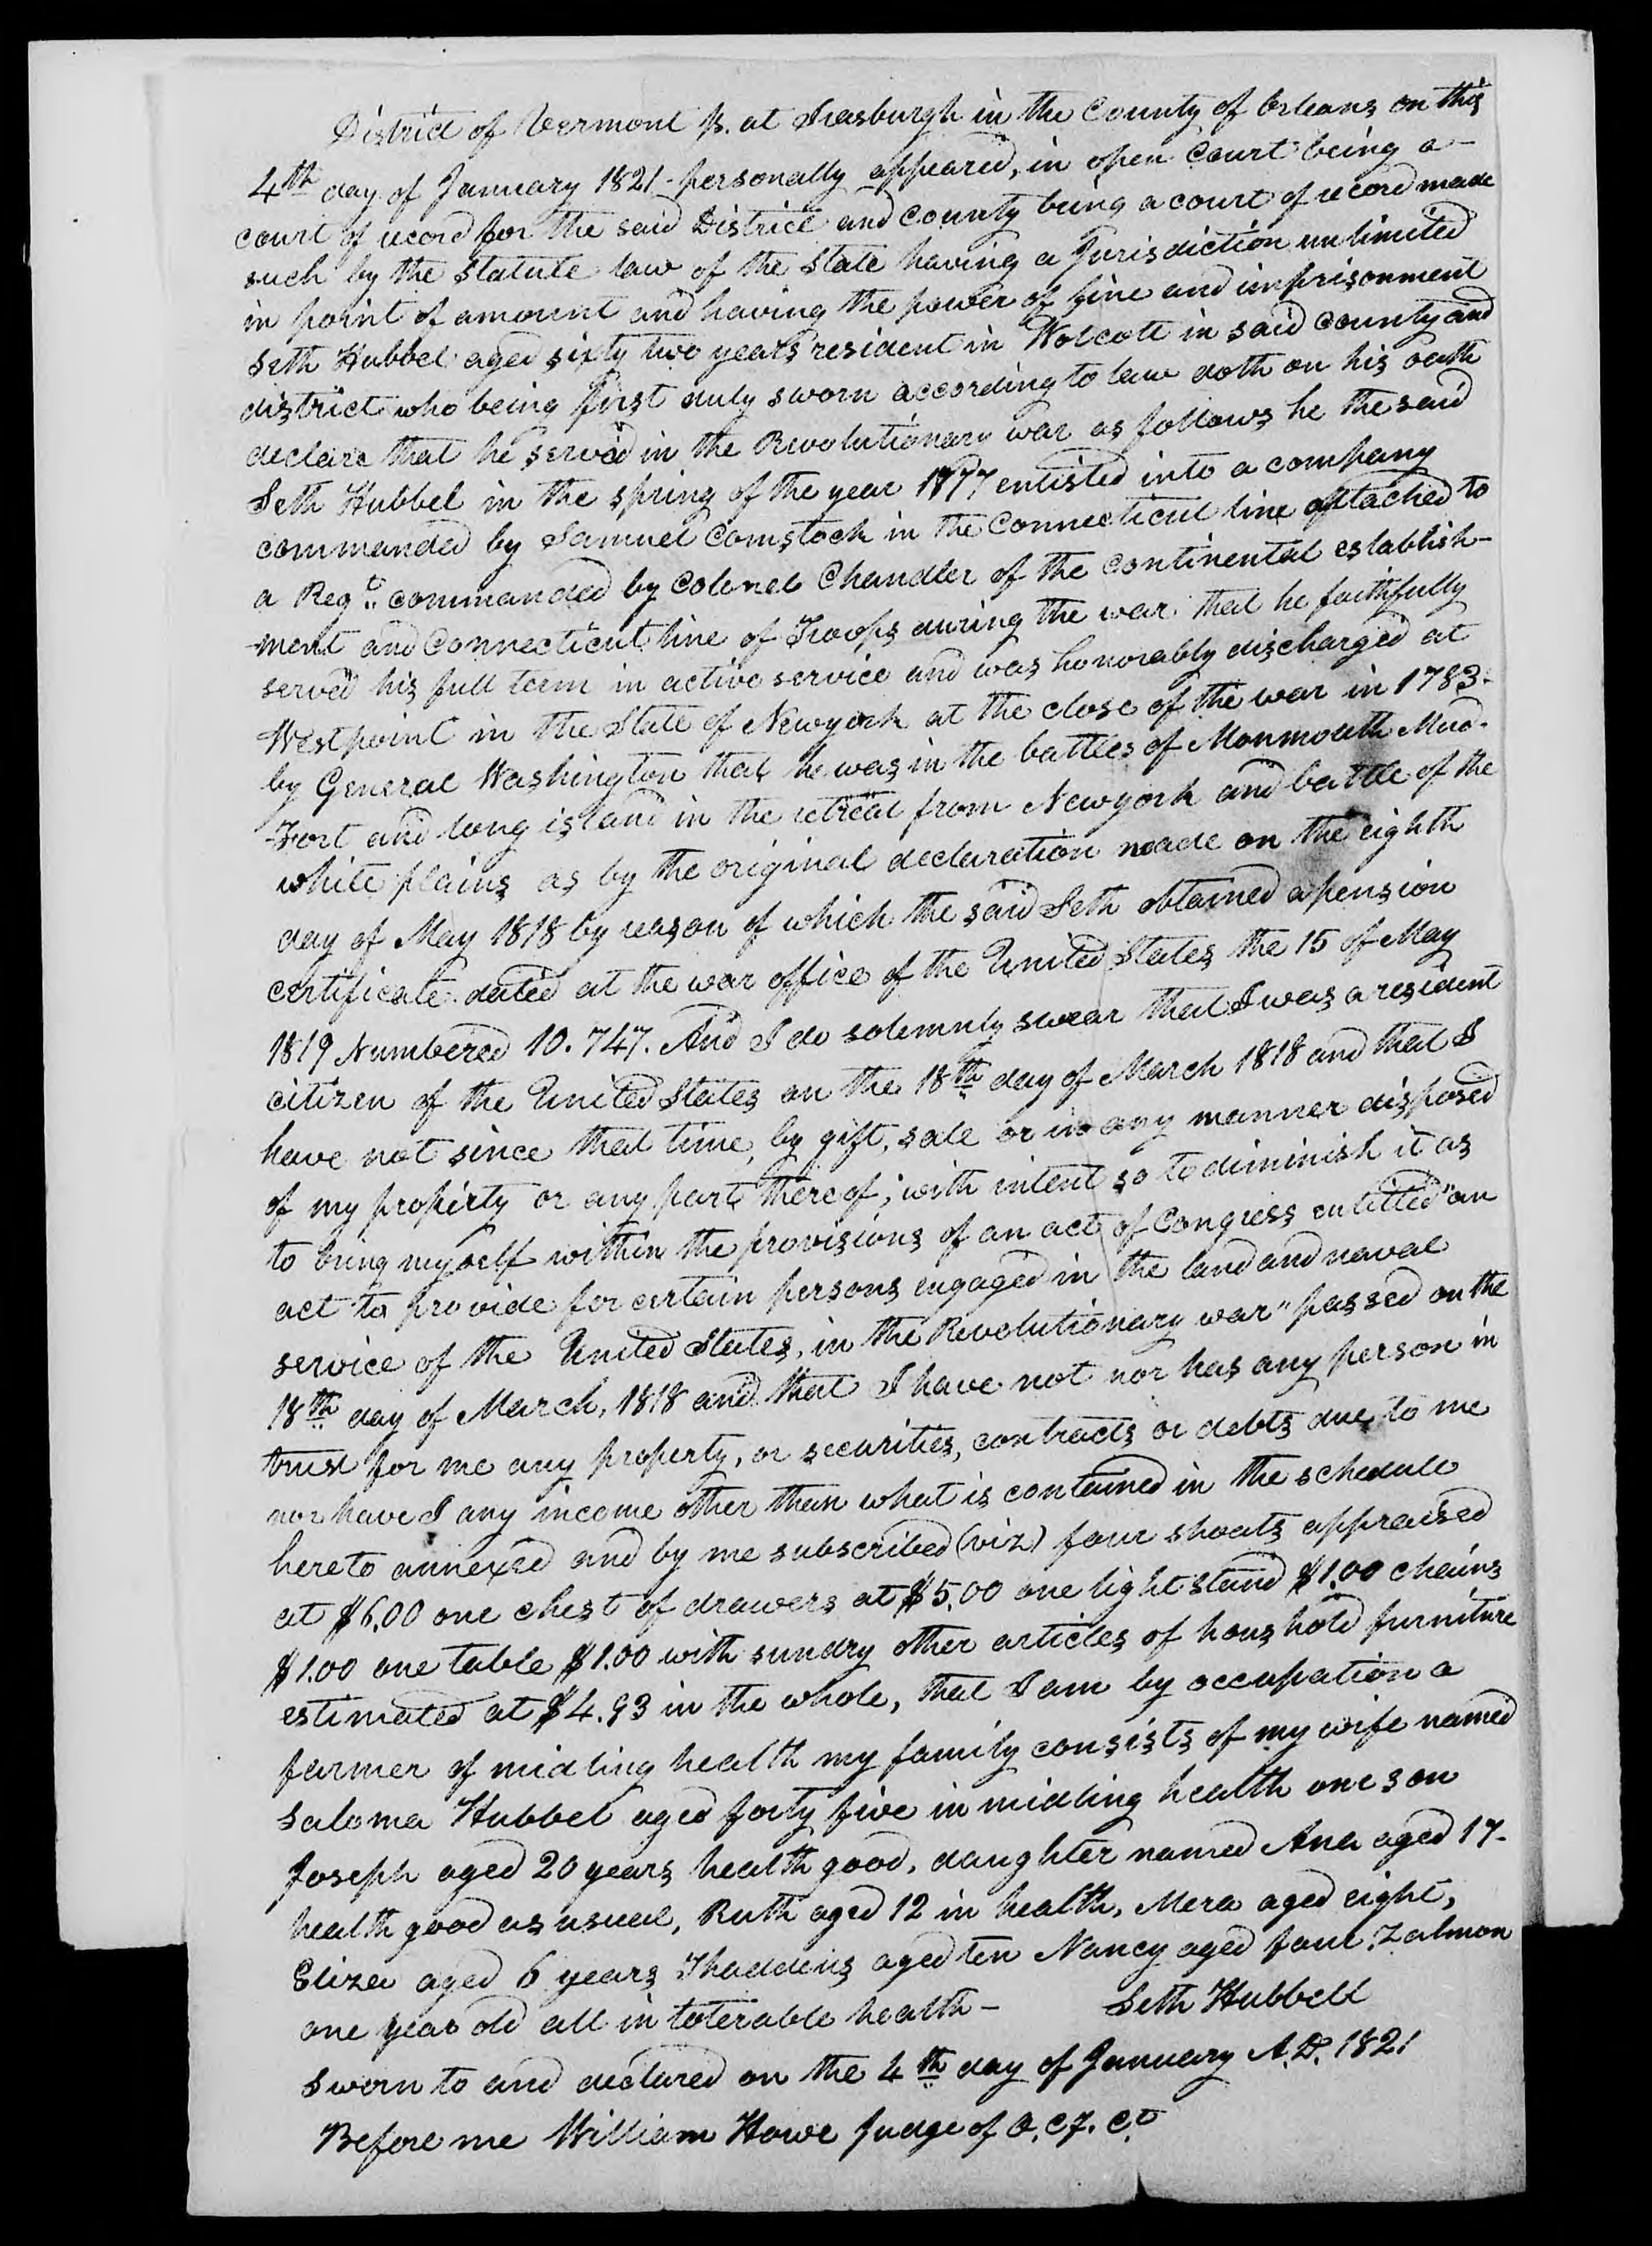District of Vermont is at Irasburgh in the County of Orleans on a this 4th day of January 1821 - personally appeared, in open court being a court of record for the said District and county being a court of record made such by the Statute law of the State having a jurisdiction unlimited in point of amount and having the power of fine and imprisonment Seth Hubbel aged sixty two years resident in Wolcott in said county and district who being first duly sworn according to law doth on his oath declares that he served in the Revolutionary war as following he the said Seth Hubbel in the spring of the year 1777 enlisted into a company commanded by Samuel Comstock in the Connecticut line attached to the Regt commanded by Colonel Chandler of the Continental establishment and Connecticut line of Troops during the war that he faithfully served his full term in active service and was honorably discharged at Westpoint in the State of New York at the close of the war in 1783 by General Washington that he was in the battles of Monmouth Mud Fort and long island in the retreat from New York and battle of the White Plains as by the original declaration made on the eighth day of May 1818 by reason of which he said Seth obtained a pension certificate dated at the war office of the United States the 15 of May 1819 number 10.747. And I do solemnly swear that I was a resident citizen of the United States on the 18th day of March 1818 and that I have not since that time, by gift, sale or in so any manner disposed of my property or any part thereof, with intent so to diminish it as to bring myself within the provisions of an act of Congress entitled "an act to provide for certain persons engaged in the land and naval service of the United States, in the Revolutionary war" passed on the 18th day of March 1818 and that I have not nor has any person in trust for me any property, or securities, contracts or debts due to me nor have I any income other than what is contained in the schedule hereto annexed and by me subscribed (viz) four shoats appraised at $6.00 one chest of drawers at $5.00 one light stand $1.00 chains $1.00 one table $1.00 with sundry other articles of household furniture estimated at $4.93 in the whole, that I am by occupation a farmer of middling health my family consists of my wife named Saloma Hubbel aged forty five in middling health one son Joseph aged 20 years health good, daughter named Ana aged 17 health good as usual, Ruth aged 12 in health, Mera aged eight, Eliza aged 6 years Thaddeus aged ten Nancy aged four Zalmon one year old all in tolerable health - Seth Hubbell
Sworn to and declared on the 4th day of January A.D. 1821 
Before me William Howe Judge of A.CF. Ct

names: Thaddeus, Joseph, Samuel Comstock, Ruth, Chandler, Seth Hubbel, Saloma Hubbel, Zalmon, Ann, Eliza, William Howe, Nancy, Washington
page: 42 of 114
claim: widow's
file: W. 2115, Seth Hubbell, Conn.